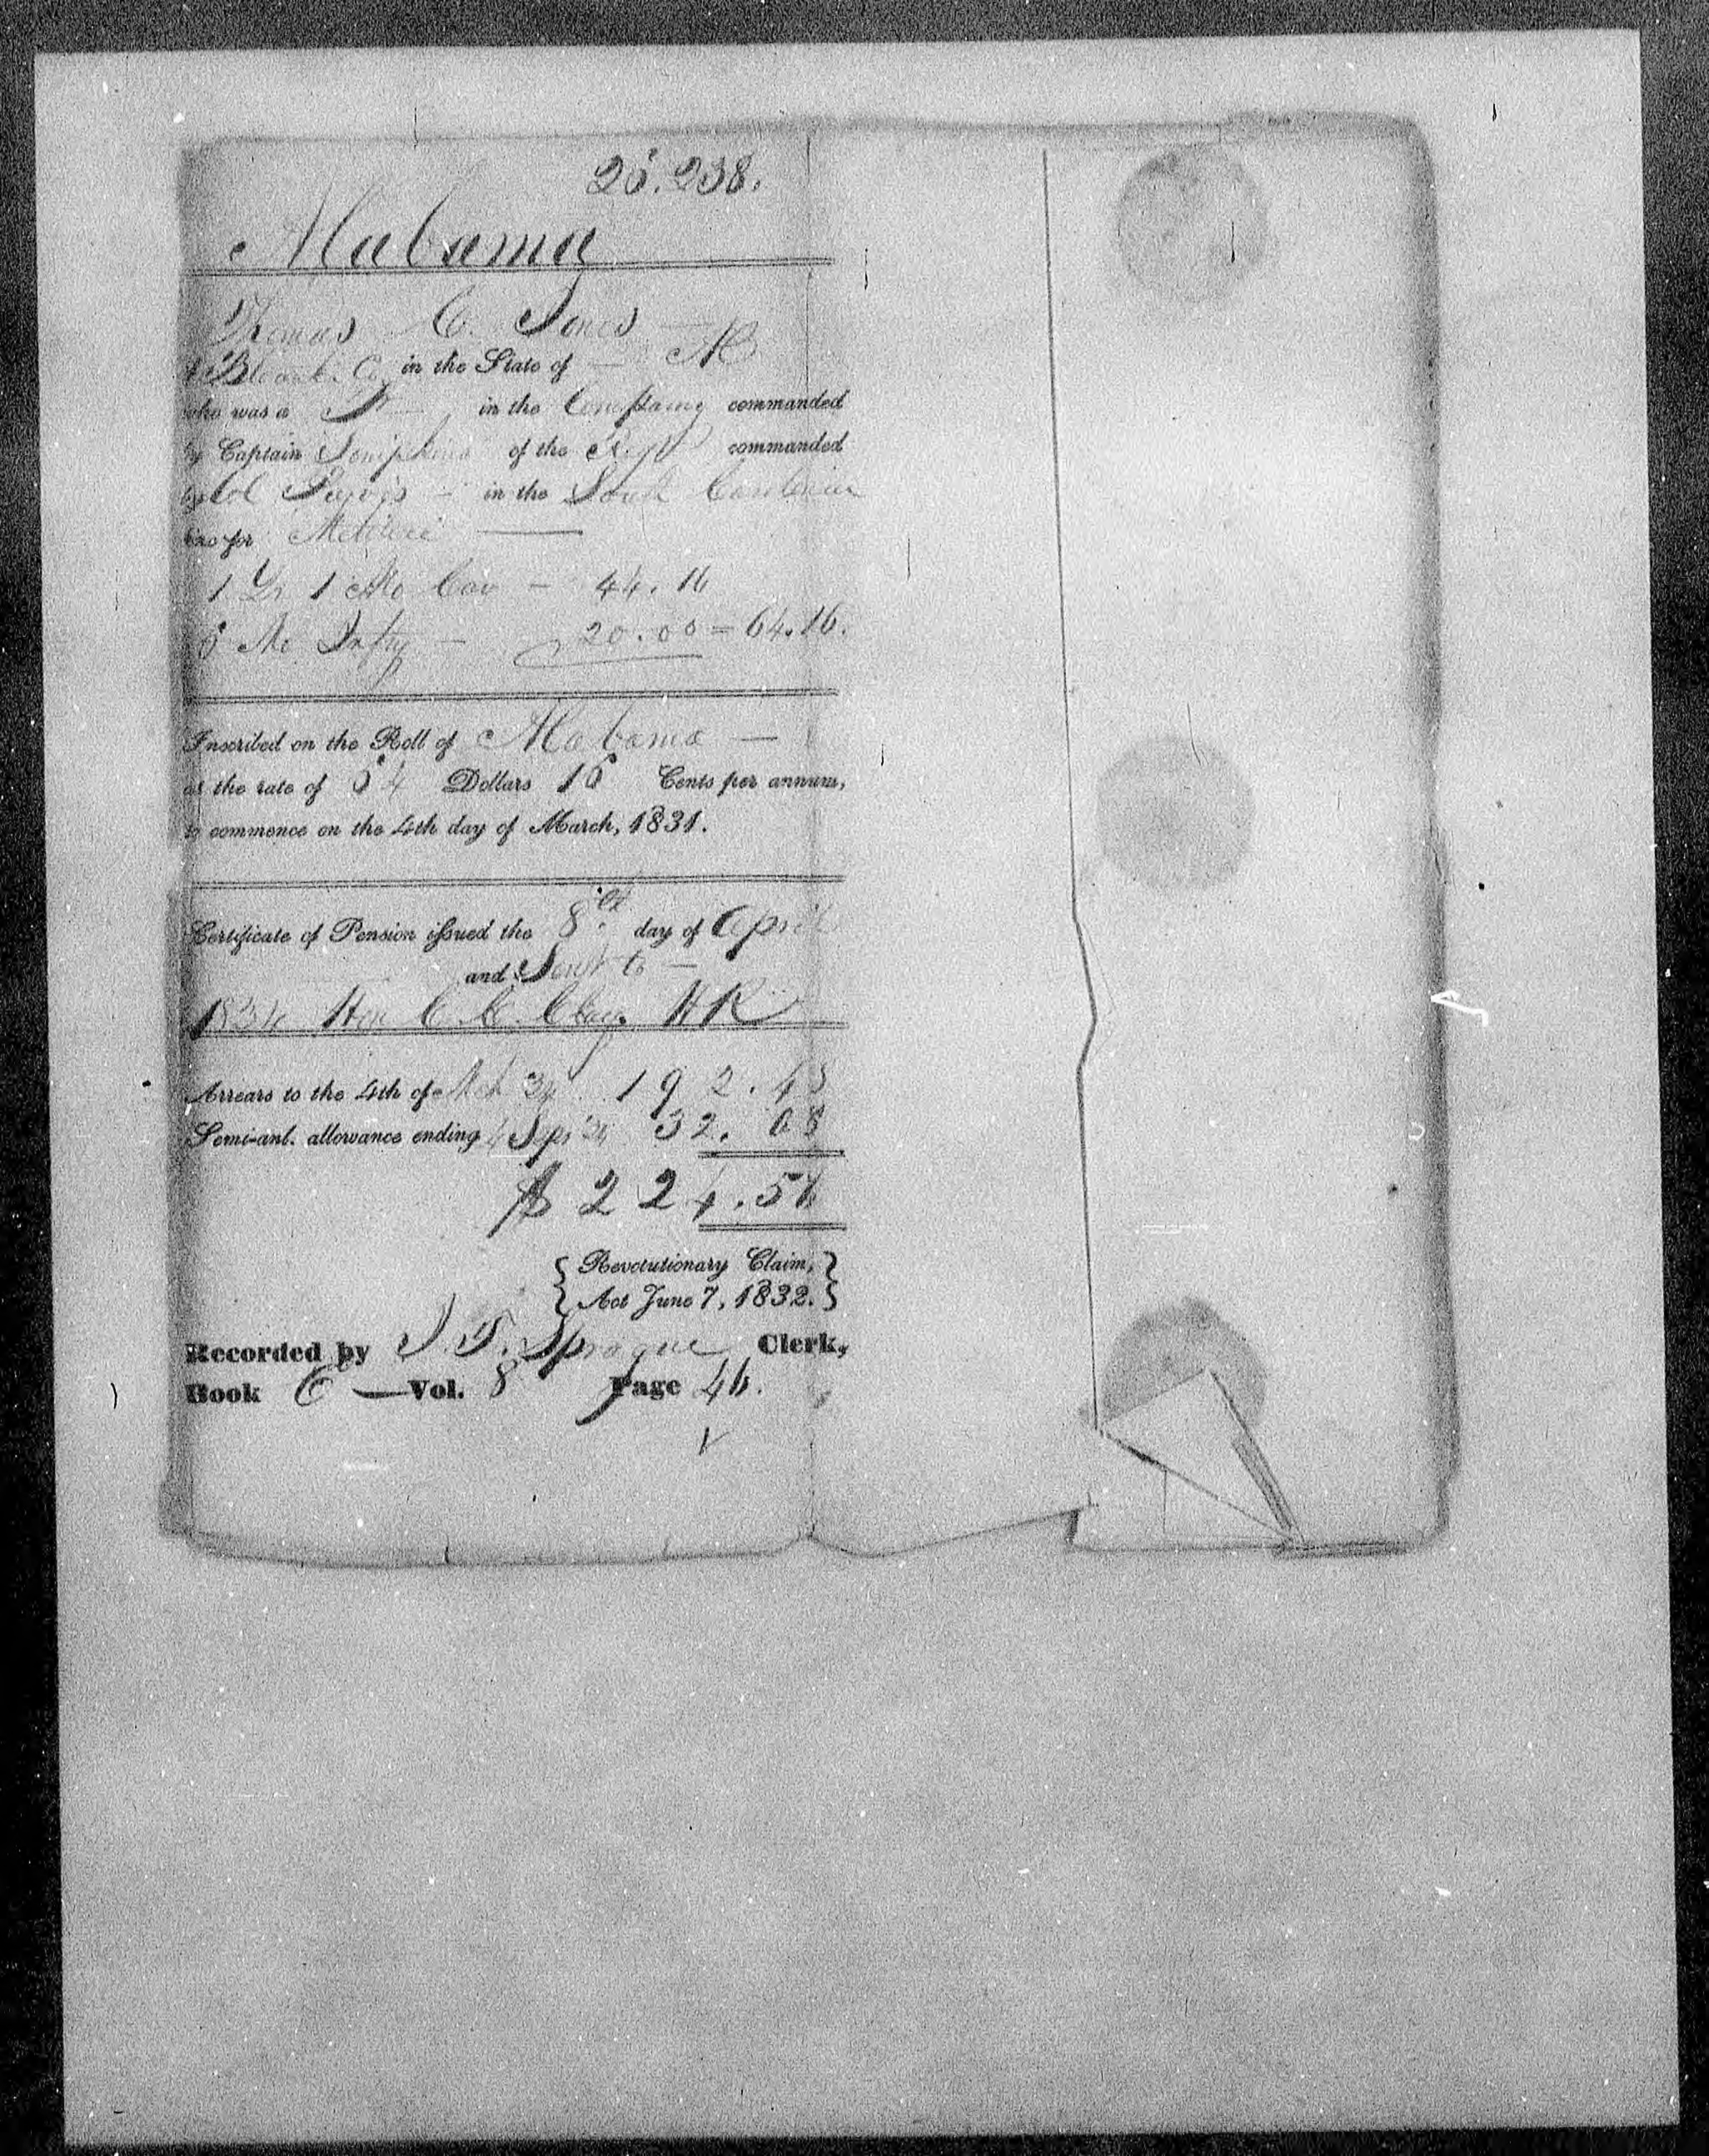20238
Alabama
Thomas C. Jones
Blount Co. in the State of Ala
who was a [illegible] in the company commanded
by Captain Tompkins of the [illegible] commanded by Col Purvis in the South Carolina 
[illegible] 
[illegible]      44.16
[illegible]      20.00
                     64.16

Inscribed on the Roll of Alabama
at the rate of [illegible] dollars 16 cents per annum, 
to commence on the 4th day of March, 1831.

Certificate of Pension issued the 8th day of April
and sent to 
1834 Hon C C Clay HR

Arrears to the 4th of [illegible]        192.48
Semi-anl allowance ending Sept [?]  32.08
                                                        $224.56
{Revolutionary Claim
Act June 7, 1832}
Recorded by J. T. Sprague  Clerk
Book 6 Vol. 8 page 46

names: [BLANK] Simpkins; [BLANK] Purvis; C C Clay; Thomas C Jones; J T Sprague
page: 2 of 45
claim: widow's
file: W. 26160, for Thomas C Jones, Georgia